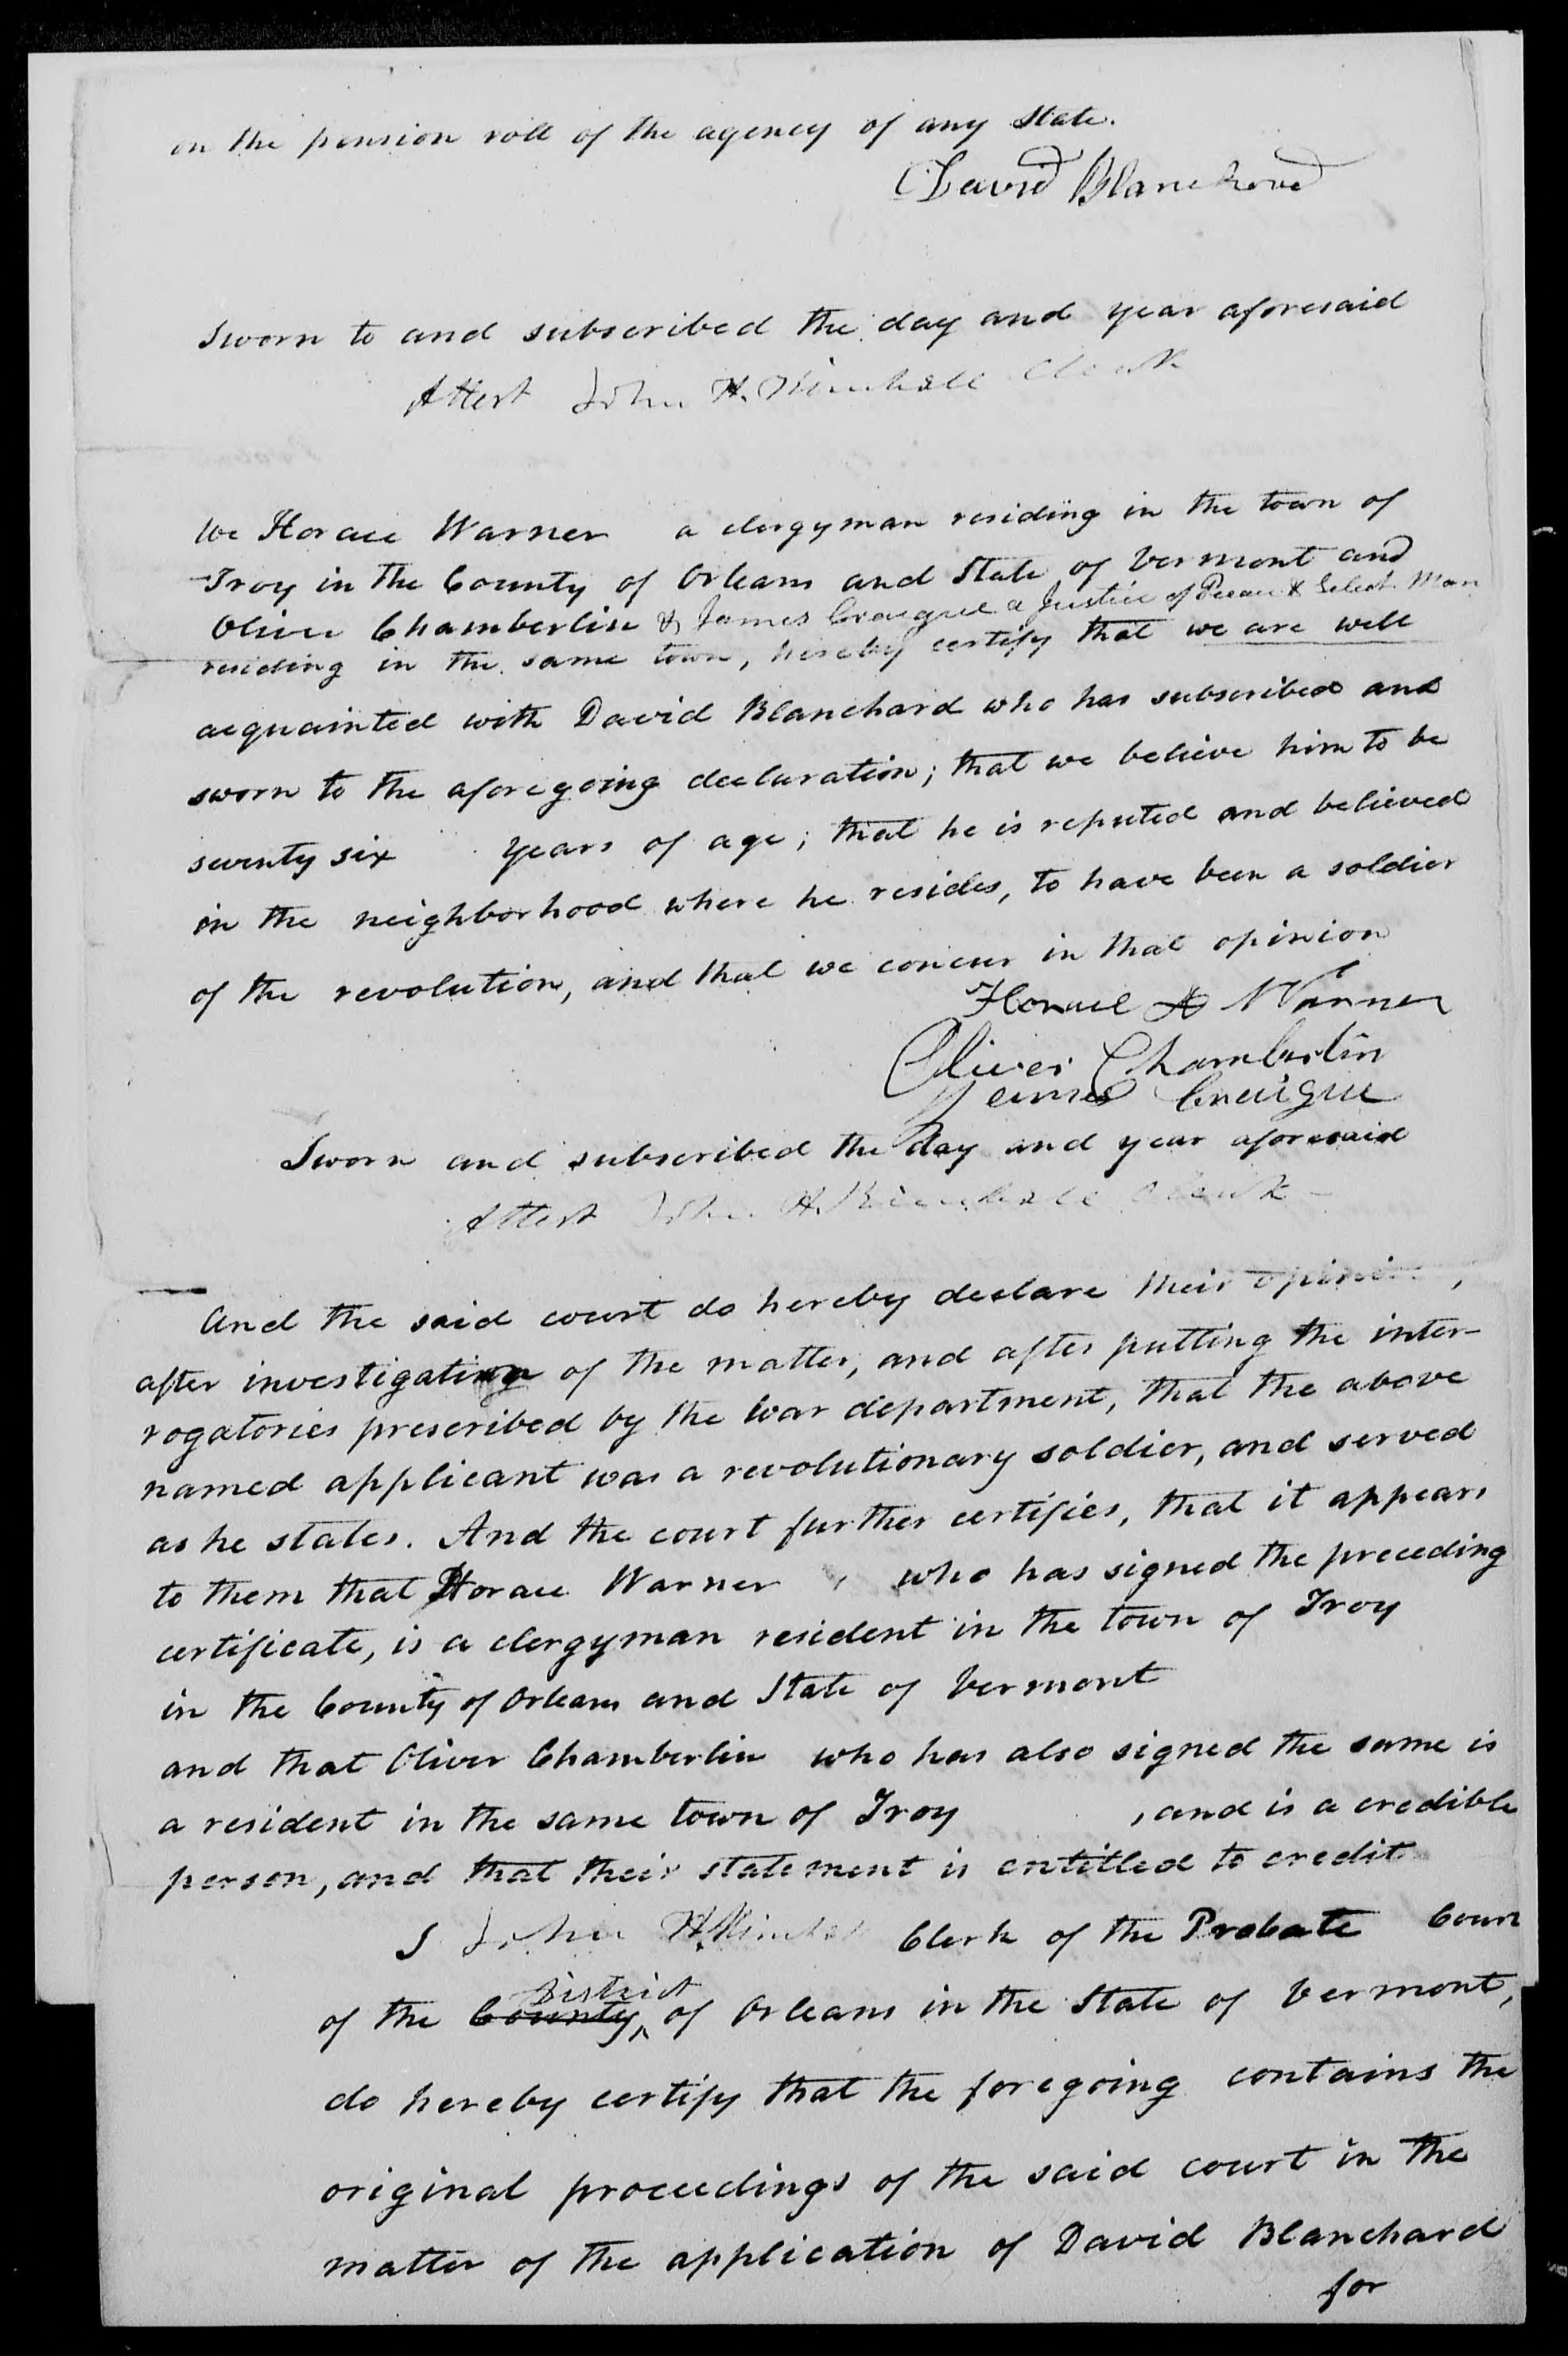Sworn to and subscribed the day and year aforesaid .
Attest [signed] John H. Kimball Clerk

We Horace Warner a clergyman residing in the town of Troy in the County of Orleans and State of Vermont and Oliver Chamberlin & James Craigue a Justice of Peace Select & select man residing in the same town, hereby certify that we are well acquainted with David Blanchard who has subscribed and sworn to the aforegoing declaration; that we believe him to seventy six
years of age; that he is reputed and believed in the neighborhood where he resides, to have been a soldier of the revolution, and that we concur in that opinion.
[signed] Horace A Warner
[signed] Oliver Chamberlin
[signed] James Craigue

Sworn and subscribed the day and year aforesaid
Attest [signed] John H. Kimball Clerk
And the said court do hereby declare their opinion after investigation of the matter, and after putting the interrogatories prescribed by the war department, that the above named applicant was a revolutionary soldier, and served
as he states. And the court further certifies, that it appears to them that Horace Warner who has signed the preceding certificate, is a clergyman resident in the town of Troy in the County of Orleans and State of Vermont and that Oliver Chamberlin who has also signed the same is a
resident in the same town of Troy and is a credible person, and that their statement is entitled to credit.
I John H. Hinds Clerk of the Probate Court of the [County - crossed out] District of Orleans in the State of Vermont, do hereby certify that the foregoing contains the original proceedings of the said court in the matter of the application of David Blanchard for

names: David Blanchard, David Blanchard, Oliver Chamberlin, Horace Warner, Horace A Warner, Oliver Chamberlin, David Blanchard, James Craigue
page: 6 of 23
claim: survivor's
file: S. 12237, David Blanchard, N. H.